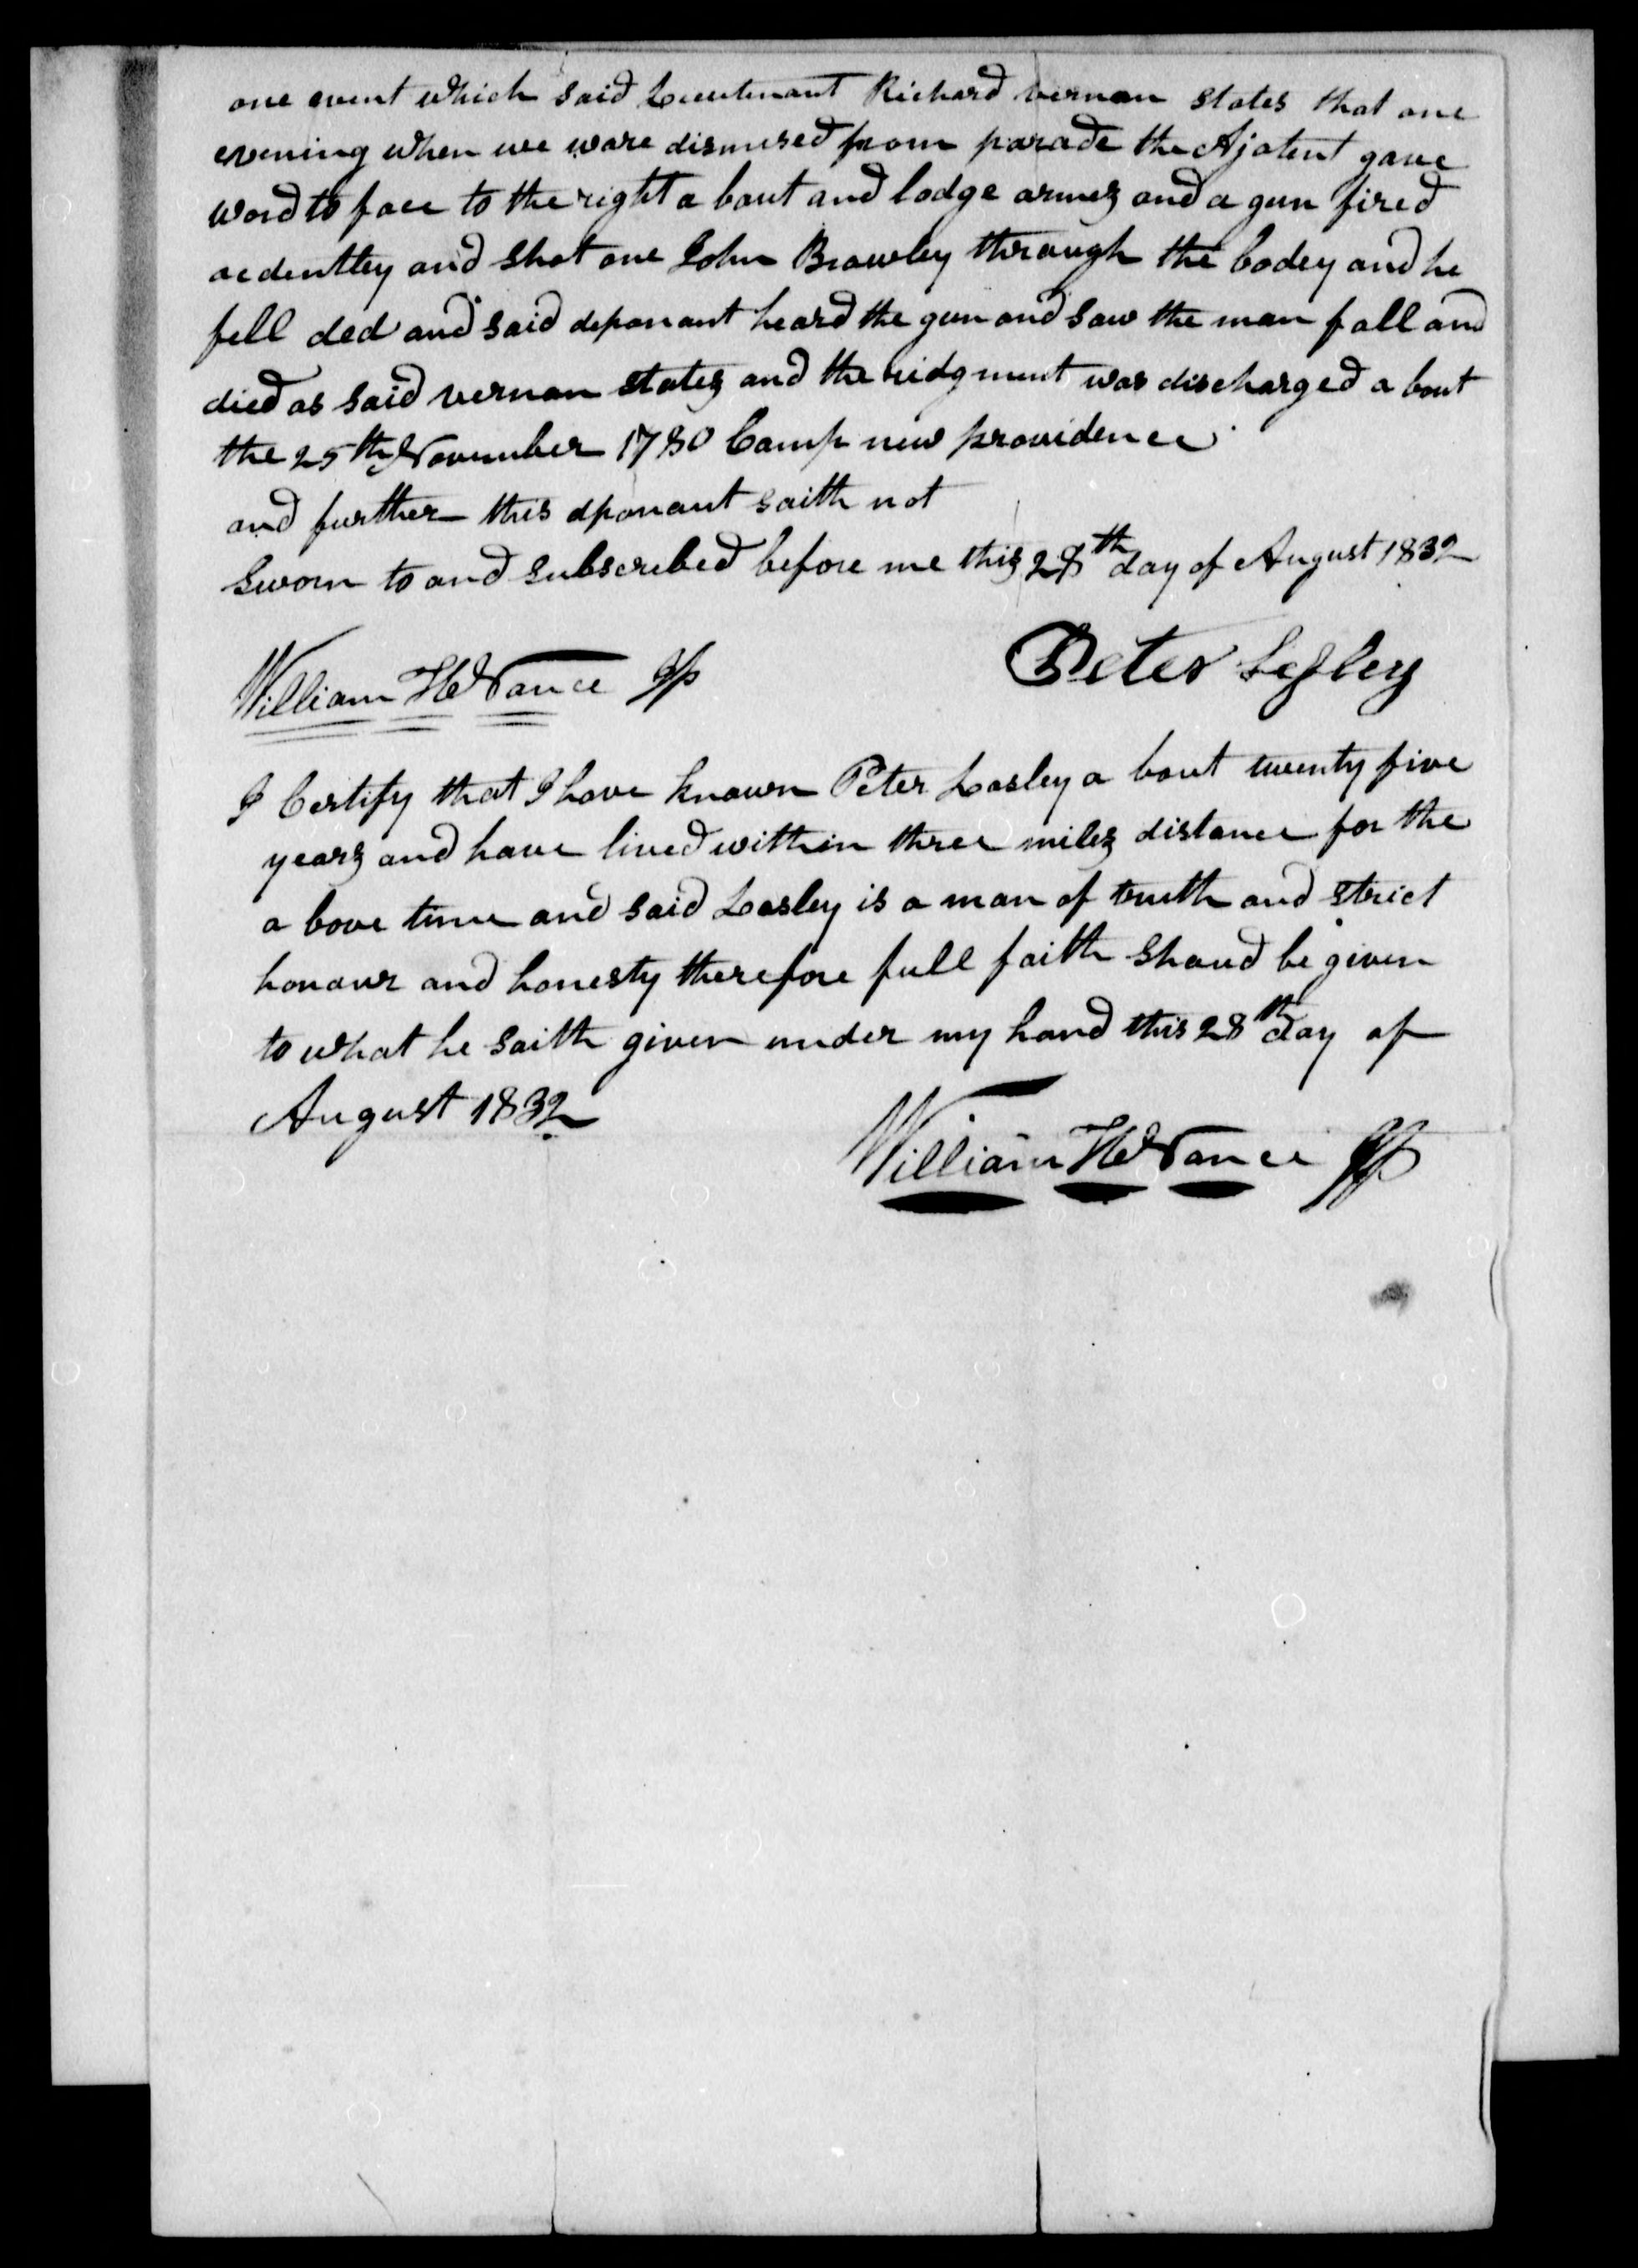one event which said Lieutenant Richard Vernon states that one evening when we ware dismissed from parade the Ajatent gave word to face to the right about and lodge arms and a gun fired accidentally and shot one John Brawley through the body and he fell ded and said deponent heard the gun and saw the man fall and died as said Vernon states and the ridgment was discharged about the 25th November 1780 Camp new providence and further this deponent saith not Sworn to and Subscribed before me this 28th day of August 1832.
Peter Lesley
William H. Nance JP
I certify that I have known Peter Lesley about twenty five years and have lived within three miles distance for the above time and said Lesley is a man of truth and strict honour and honesty therefore full faith should be given to what he saith given under my hand this 28th day of August 1832.
William H. Nance JP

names: Peter Lasley, William H Nance, John Brawley, Richard Vernon, William H Nance, Vernon, Jane Word, Peter Lesley, Lasley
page: 105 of 105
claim: survivor's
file: S. 1883, Richard Vernon, N.C.